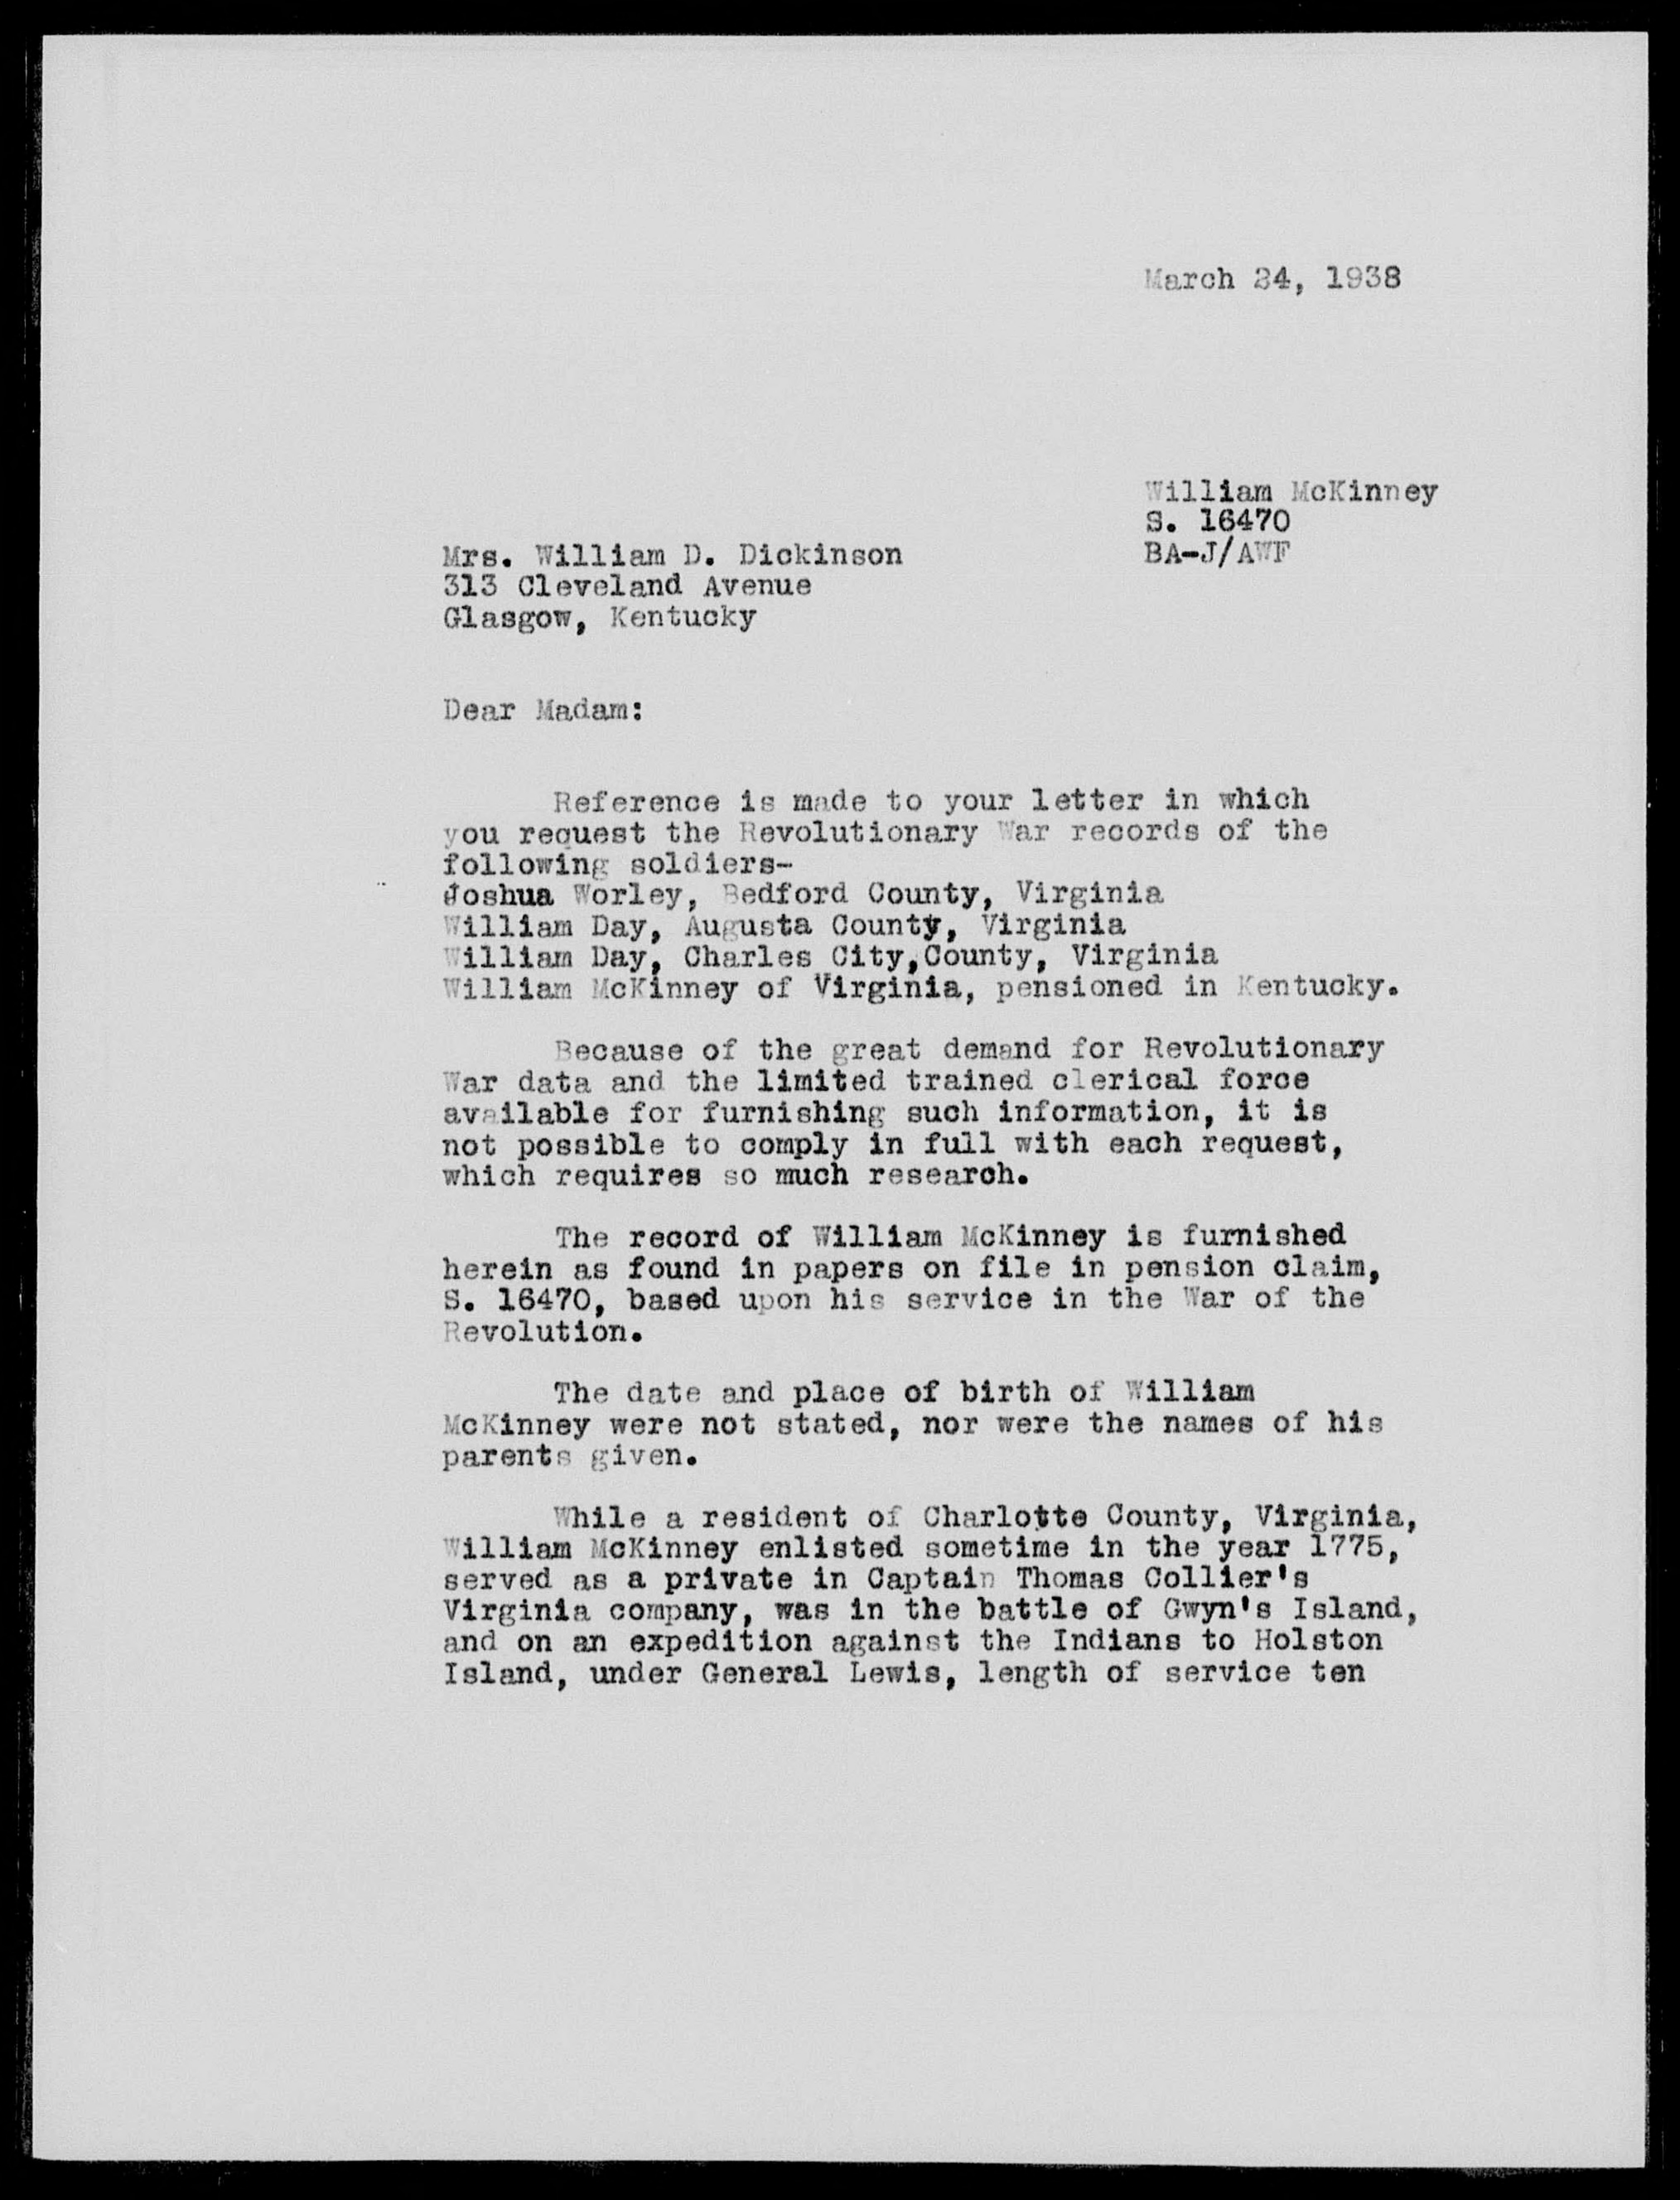March 24, 1938
William McKinney
S. 16470
BA-J/AWF

Mrs. William D. Dickinson
313 Cleveland Avenue
Glasgow, Kentucky
Dear Madam:
Reference is made to your letter in which you request the Revolutionary War records of the following soldiers-
Joshua Worley, Bedford County, Virginia
William Day, Augusta County, Virginia
William Day, Charles City, County, Virginia
William McKinney of Virginia, pensioned in Kentucky.

Because of the great demand for Revolutionary War data and the limited trained clerical force available for furnishing such information, it is not possible to comply in full with each request, which requires so much research.
The record of William McKinney is furnished herein as found in papers on file in pension claim, S. 16470, based upon his service in the War of the Revolution.
The date and place of birth of William McKinney were not stated, nor were the names of his parents given.  
While a resident of Charlotte County, Virginia, William McKinney enlisted sometime in the year 1775, served as a private in Captain Thomas Collier's Virginia company, was in the battle of Gwyn's Island, and on an expedition against the Indians to Holston Island, under General Lewis, length of service ten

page: 20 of 28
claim: survivor's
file: S. 16,470, for William Mc Kinney, Georgia